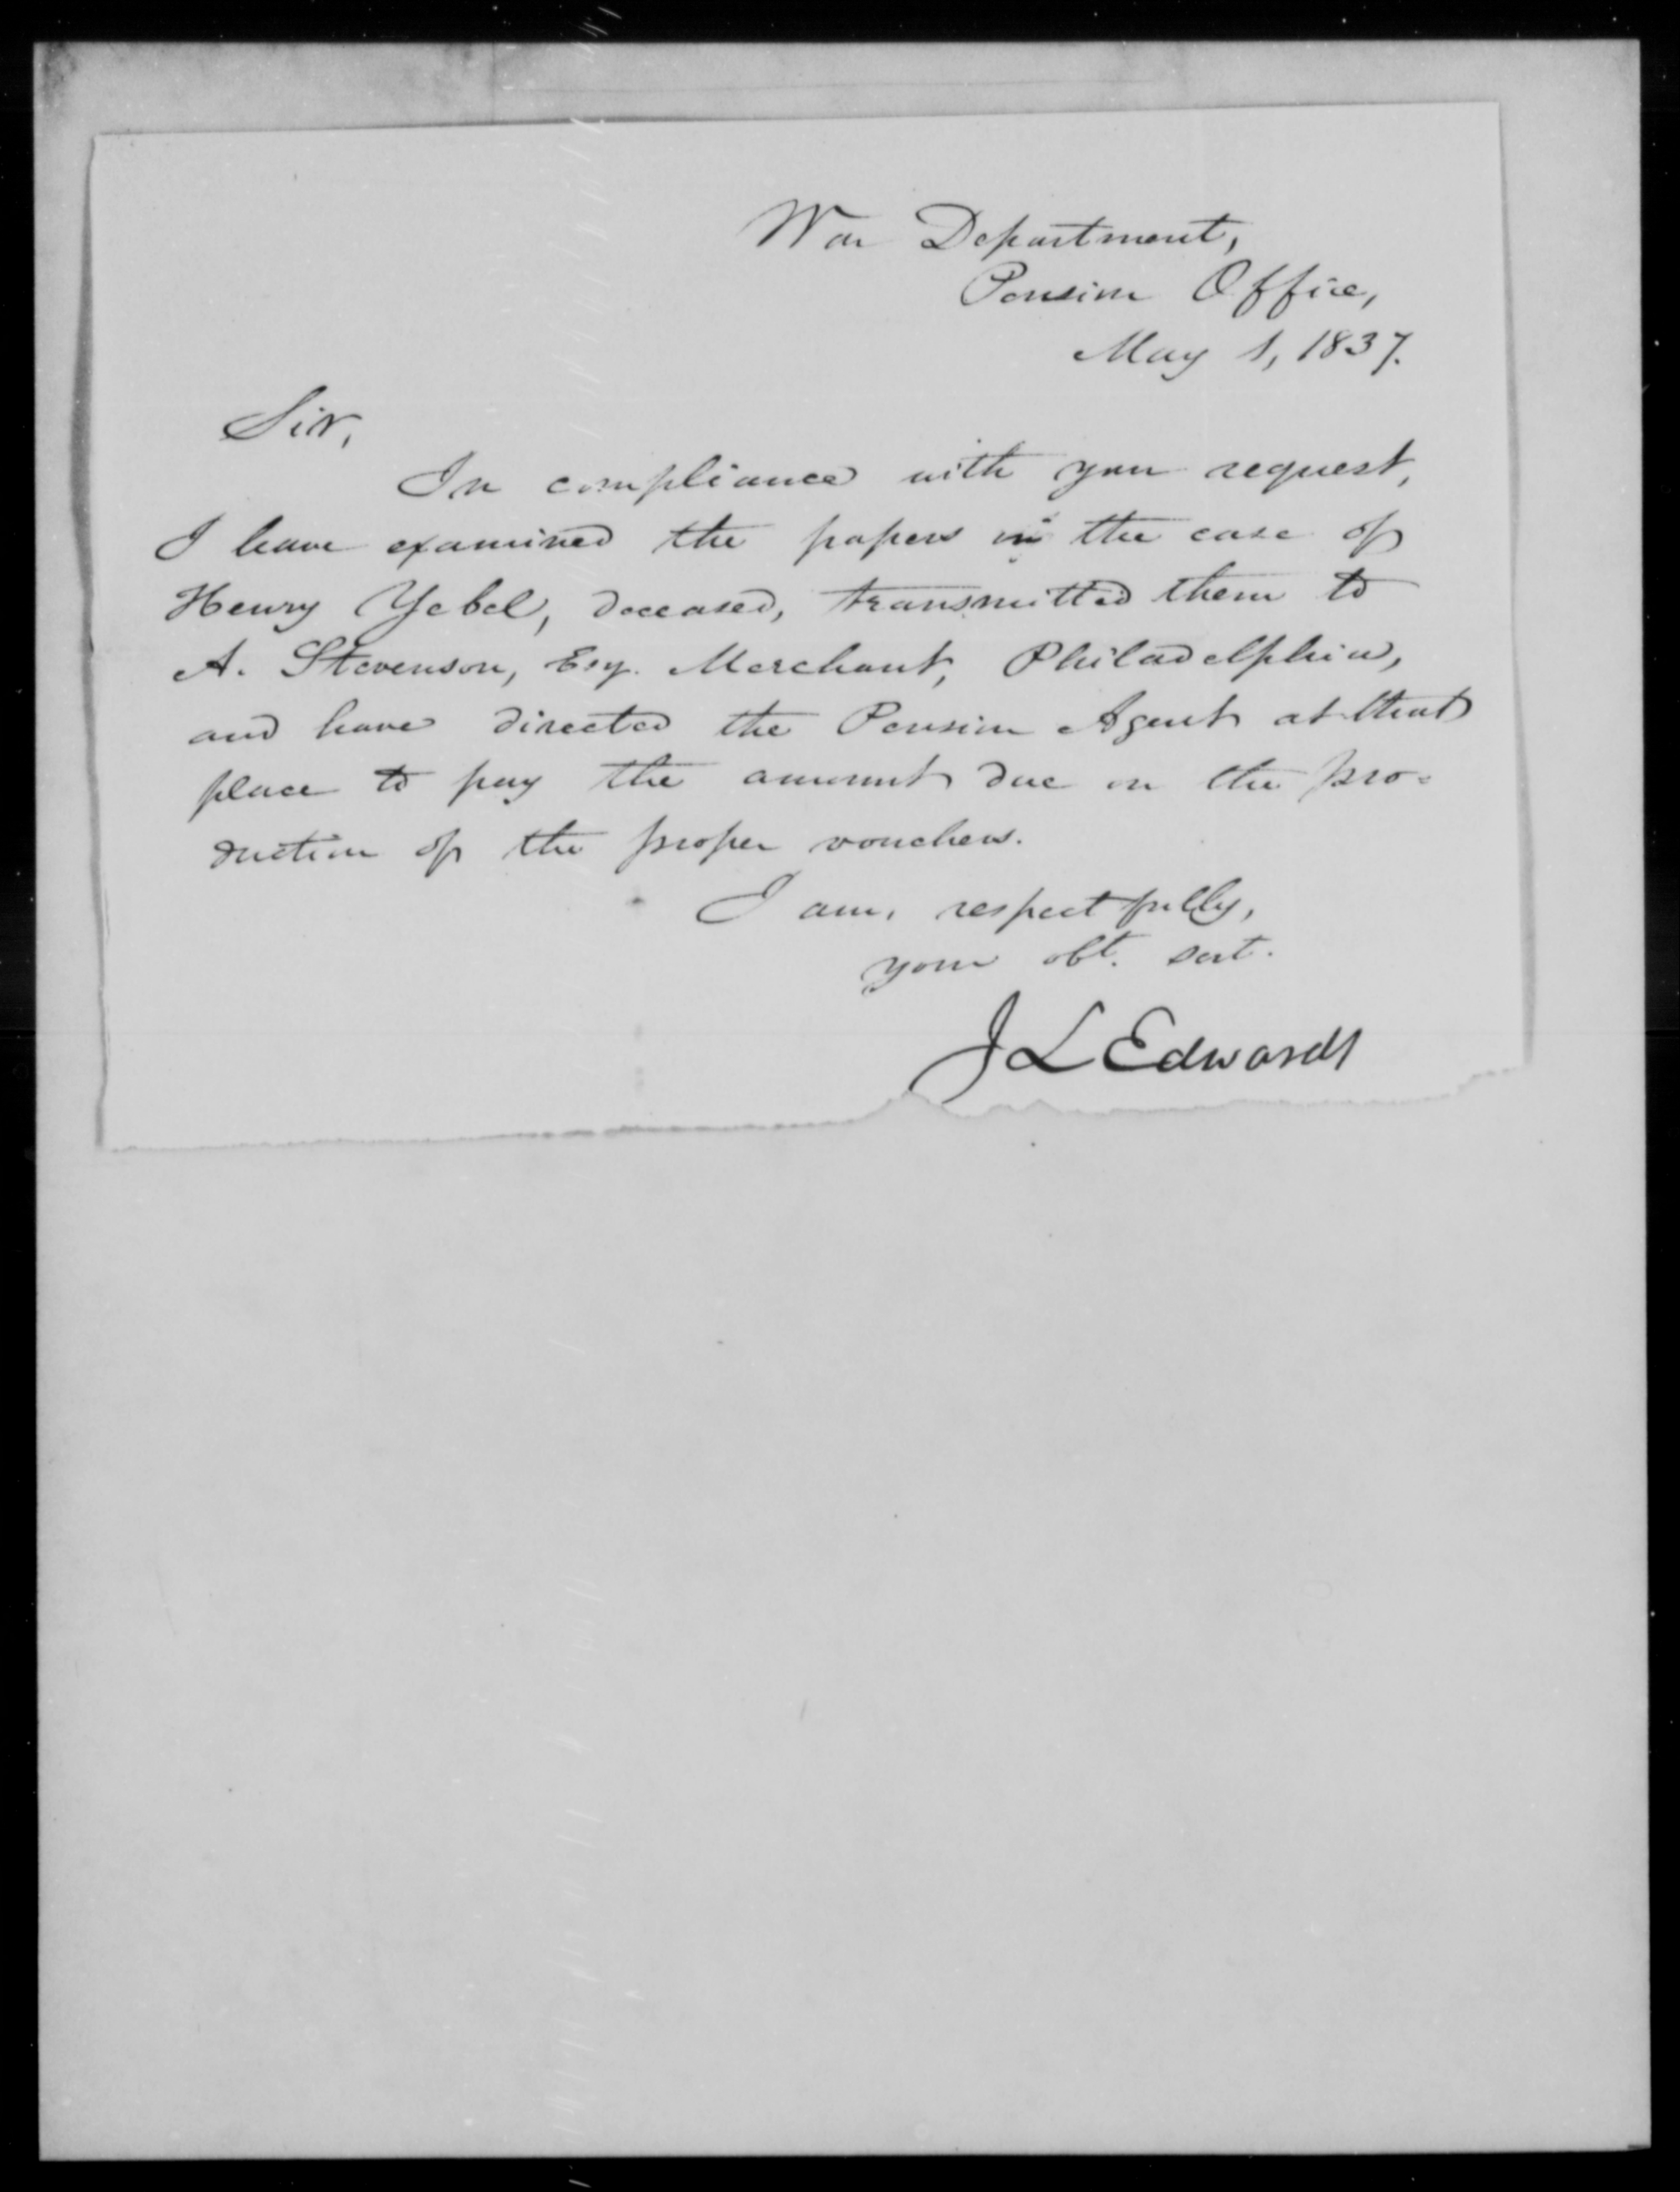War Department,
Pension Office,
May 1, 1837.
Sir,
In compliance with your request
I have examined the papers in the case of
Henry Yebel, deceased, transmitted them to
A. Stevenson, Esq. Merchant, Philadelphia,
and have directed the Pension Agent at that
place to pay the amount due on the production of the proper vouchers.
I am, respectfully,
your obt svt
J L Edwards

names: J L Edwards, A Stevenson, Henry Yebel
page: 37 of 75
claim: widow's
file: W. 3326, Henry Yebel, Continental (Penn.)